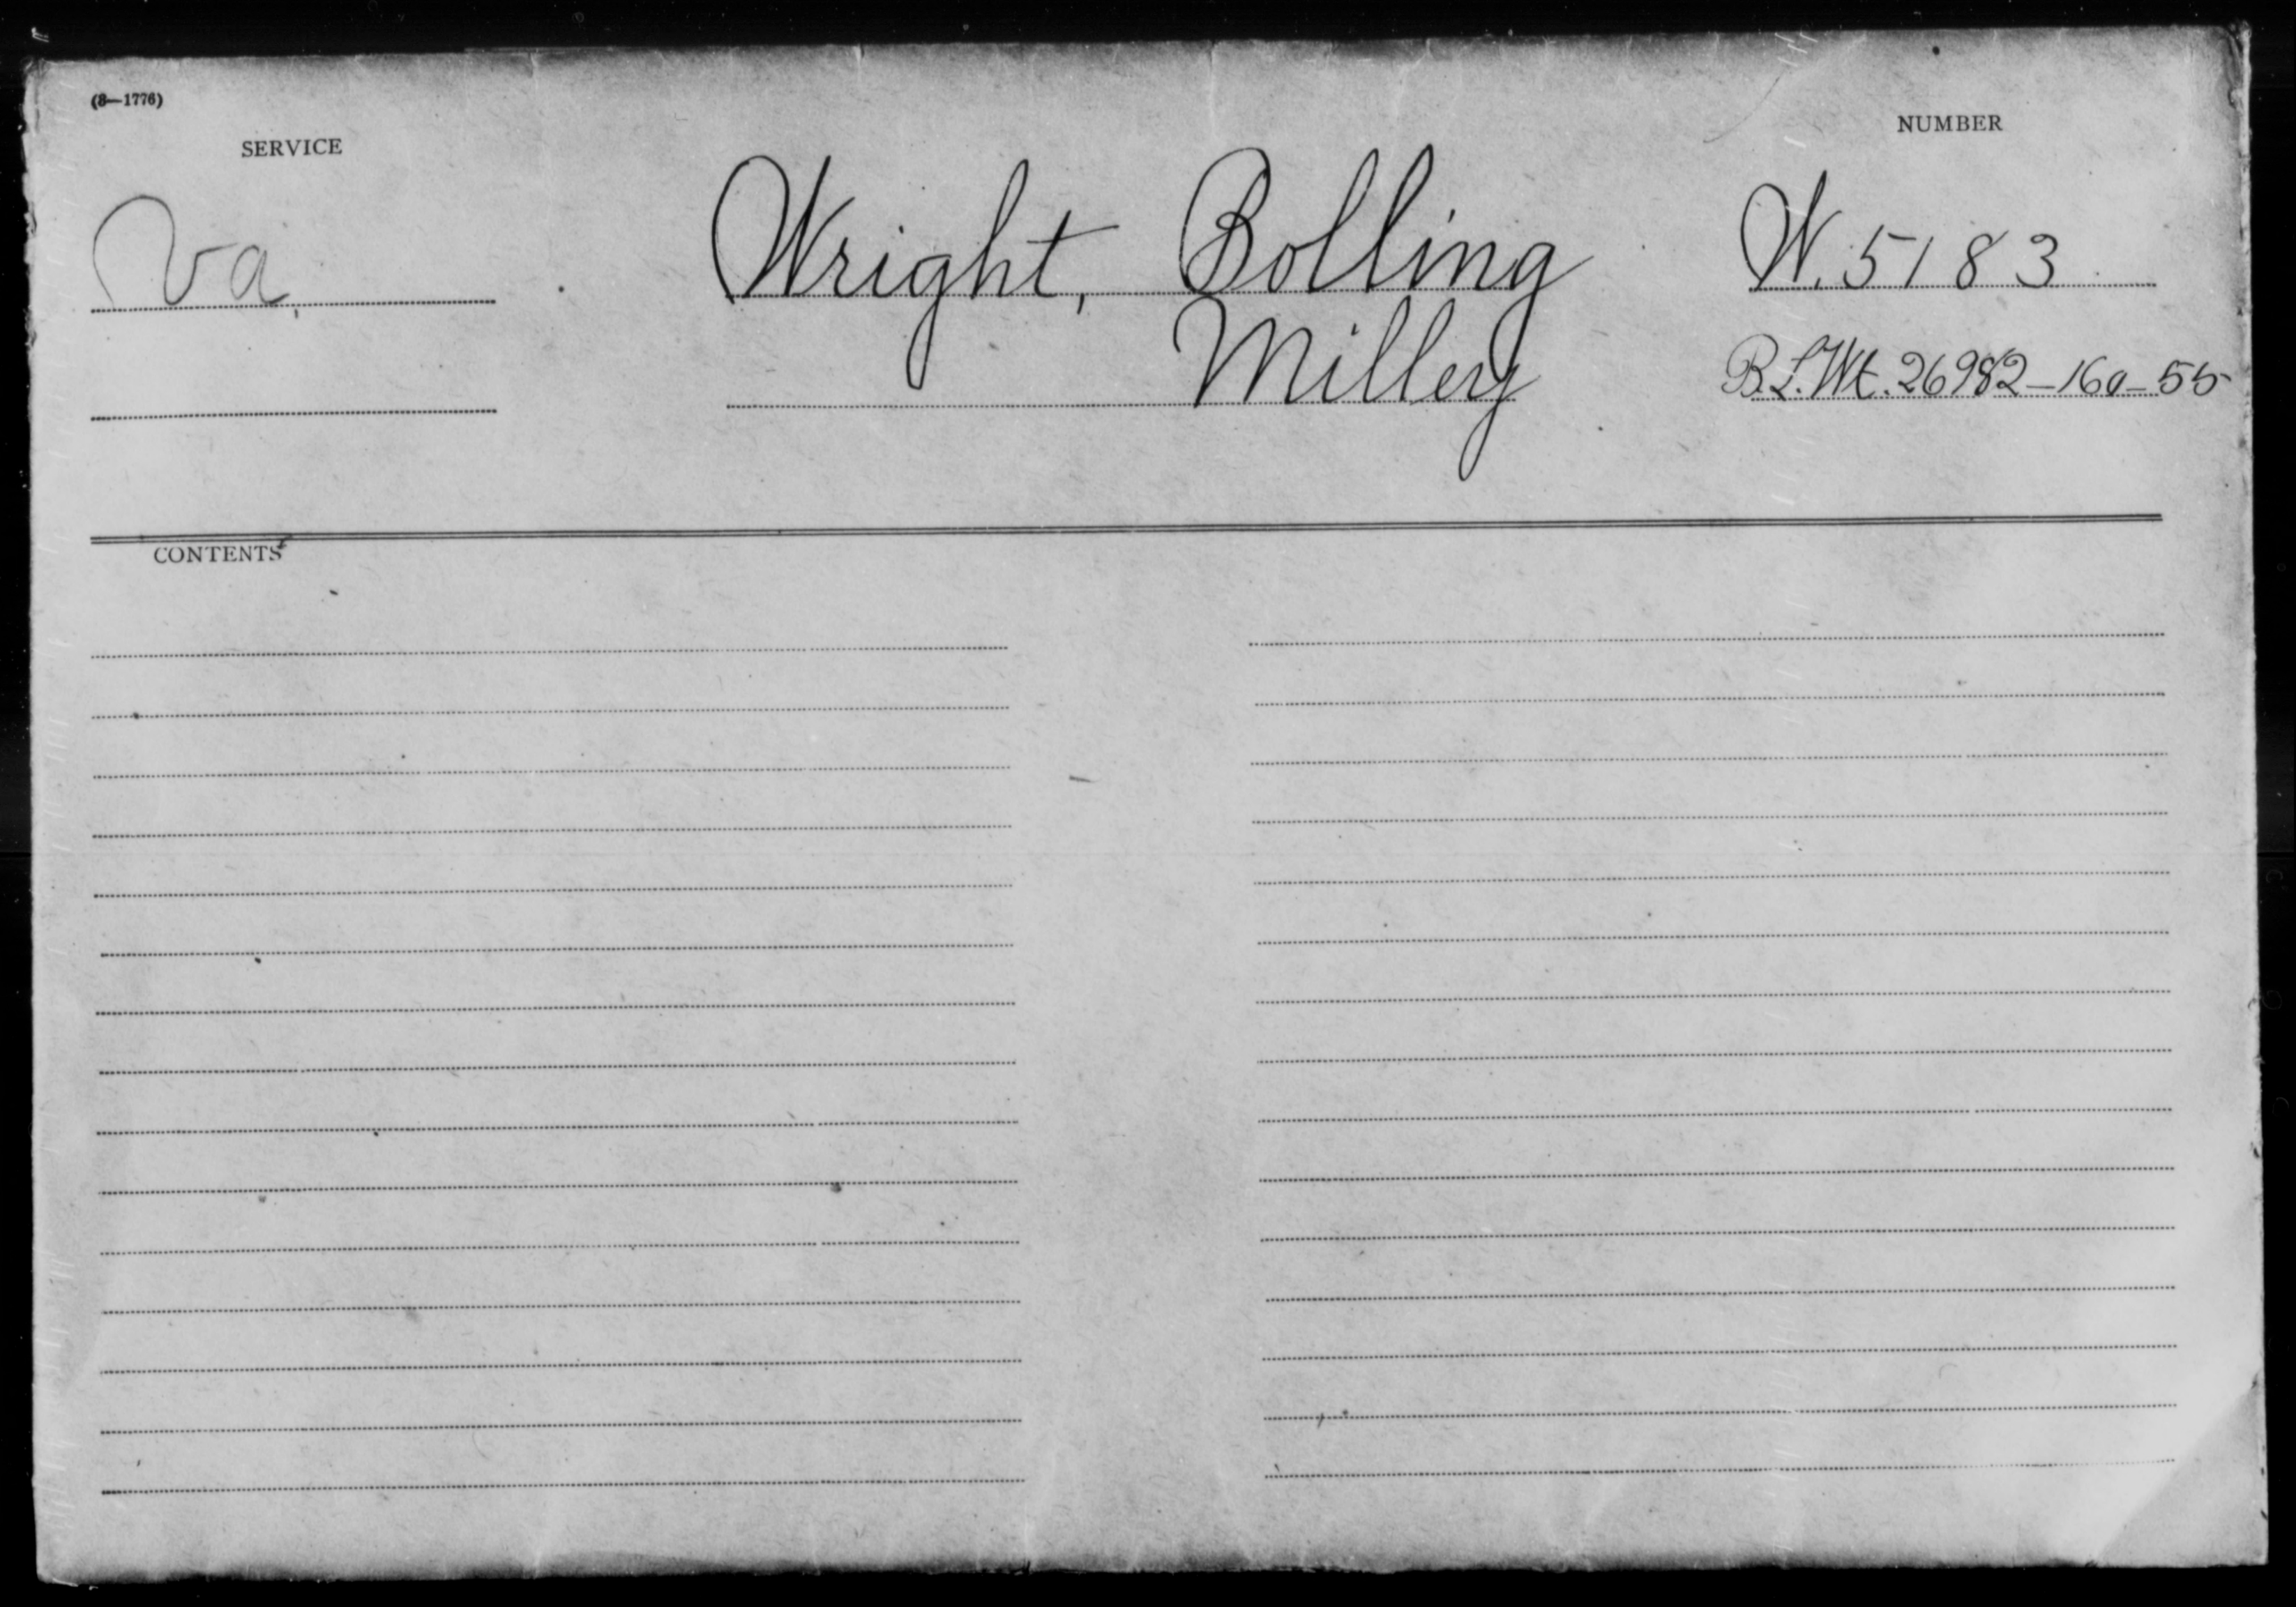(3-1776)
SERVICE NUMBER
Va. 
Wright, Bolling Milley 
Number W.5183 BL.Wt. 26982-160-55
CONTENTS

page: 1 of 81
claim: widow's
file: W. 5183, Bolling Wright, Va.